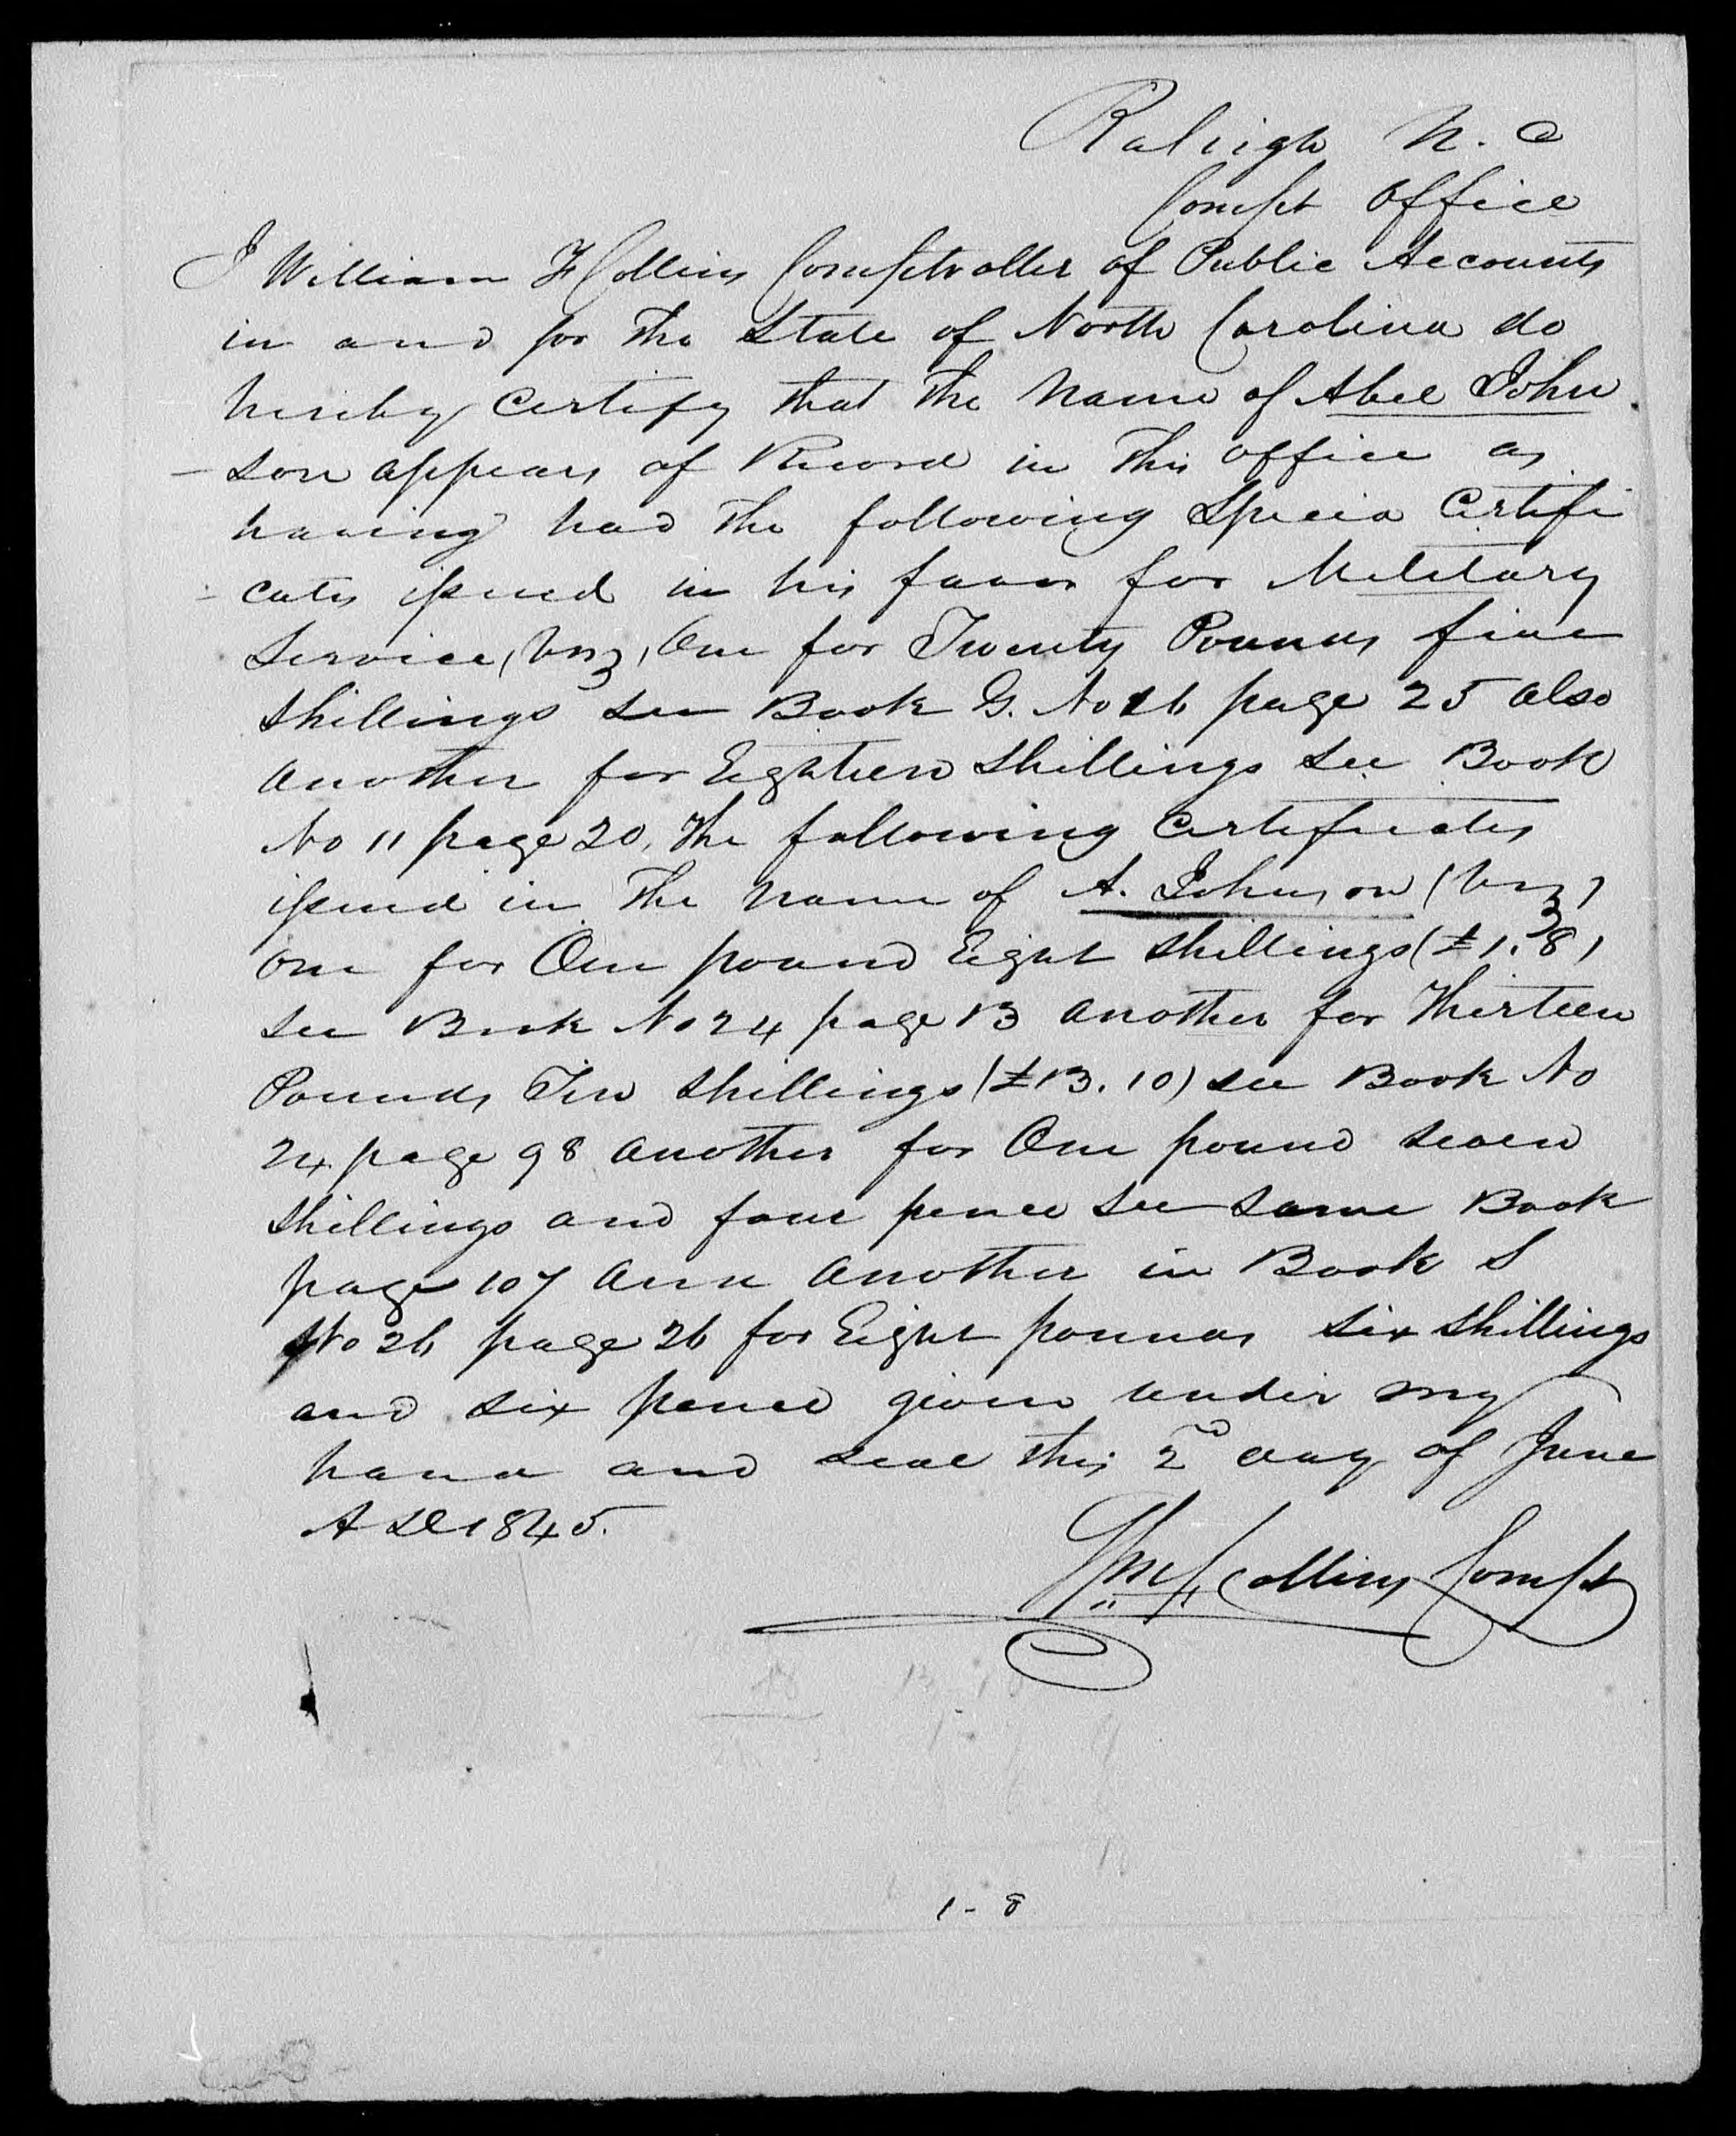Raleigh, N. C. [North Carolina]
Compt. Office
I, William F. Collins, Comptroller of Public Accounts in and for the State of North Carolina do hereby certify that the name of Abel Johnson appears of record in this office as having had the following specie certificates issued in his favor for military service, viz, for twenty Pounds, five Shillings. See Book G., No. 26, Page 25 also another for Eighteen Shillings. See Book No. 11, Page 20. The following certificates found in the name of A. Johnson, viz, one for one Pound, eight Shillings (£1.8)  See Book No. 24, Page 13   Another for thirteen Pounds, ten Shillings (£13.10)   See Book No. 24, Page 98. Another for one Pound, seven Shillings and four Pence. See same Book, Page 107 and another in Book 5, No. 2, Page 26, for Eight Pounds, six shillings, and six pence.
Given under my hand and seal this 2nd day of June A.D. 1845
William F. Collins, Comptroller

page: 54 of 74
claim: rejected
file: R. 5600, for Abel Johnson, North Carolina